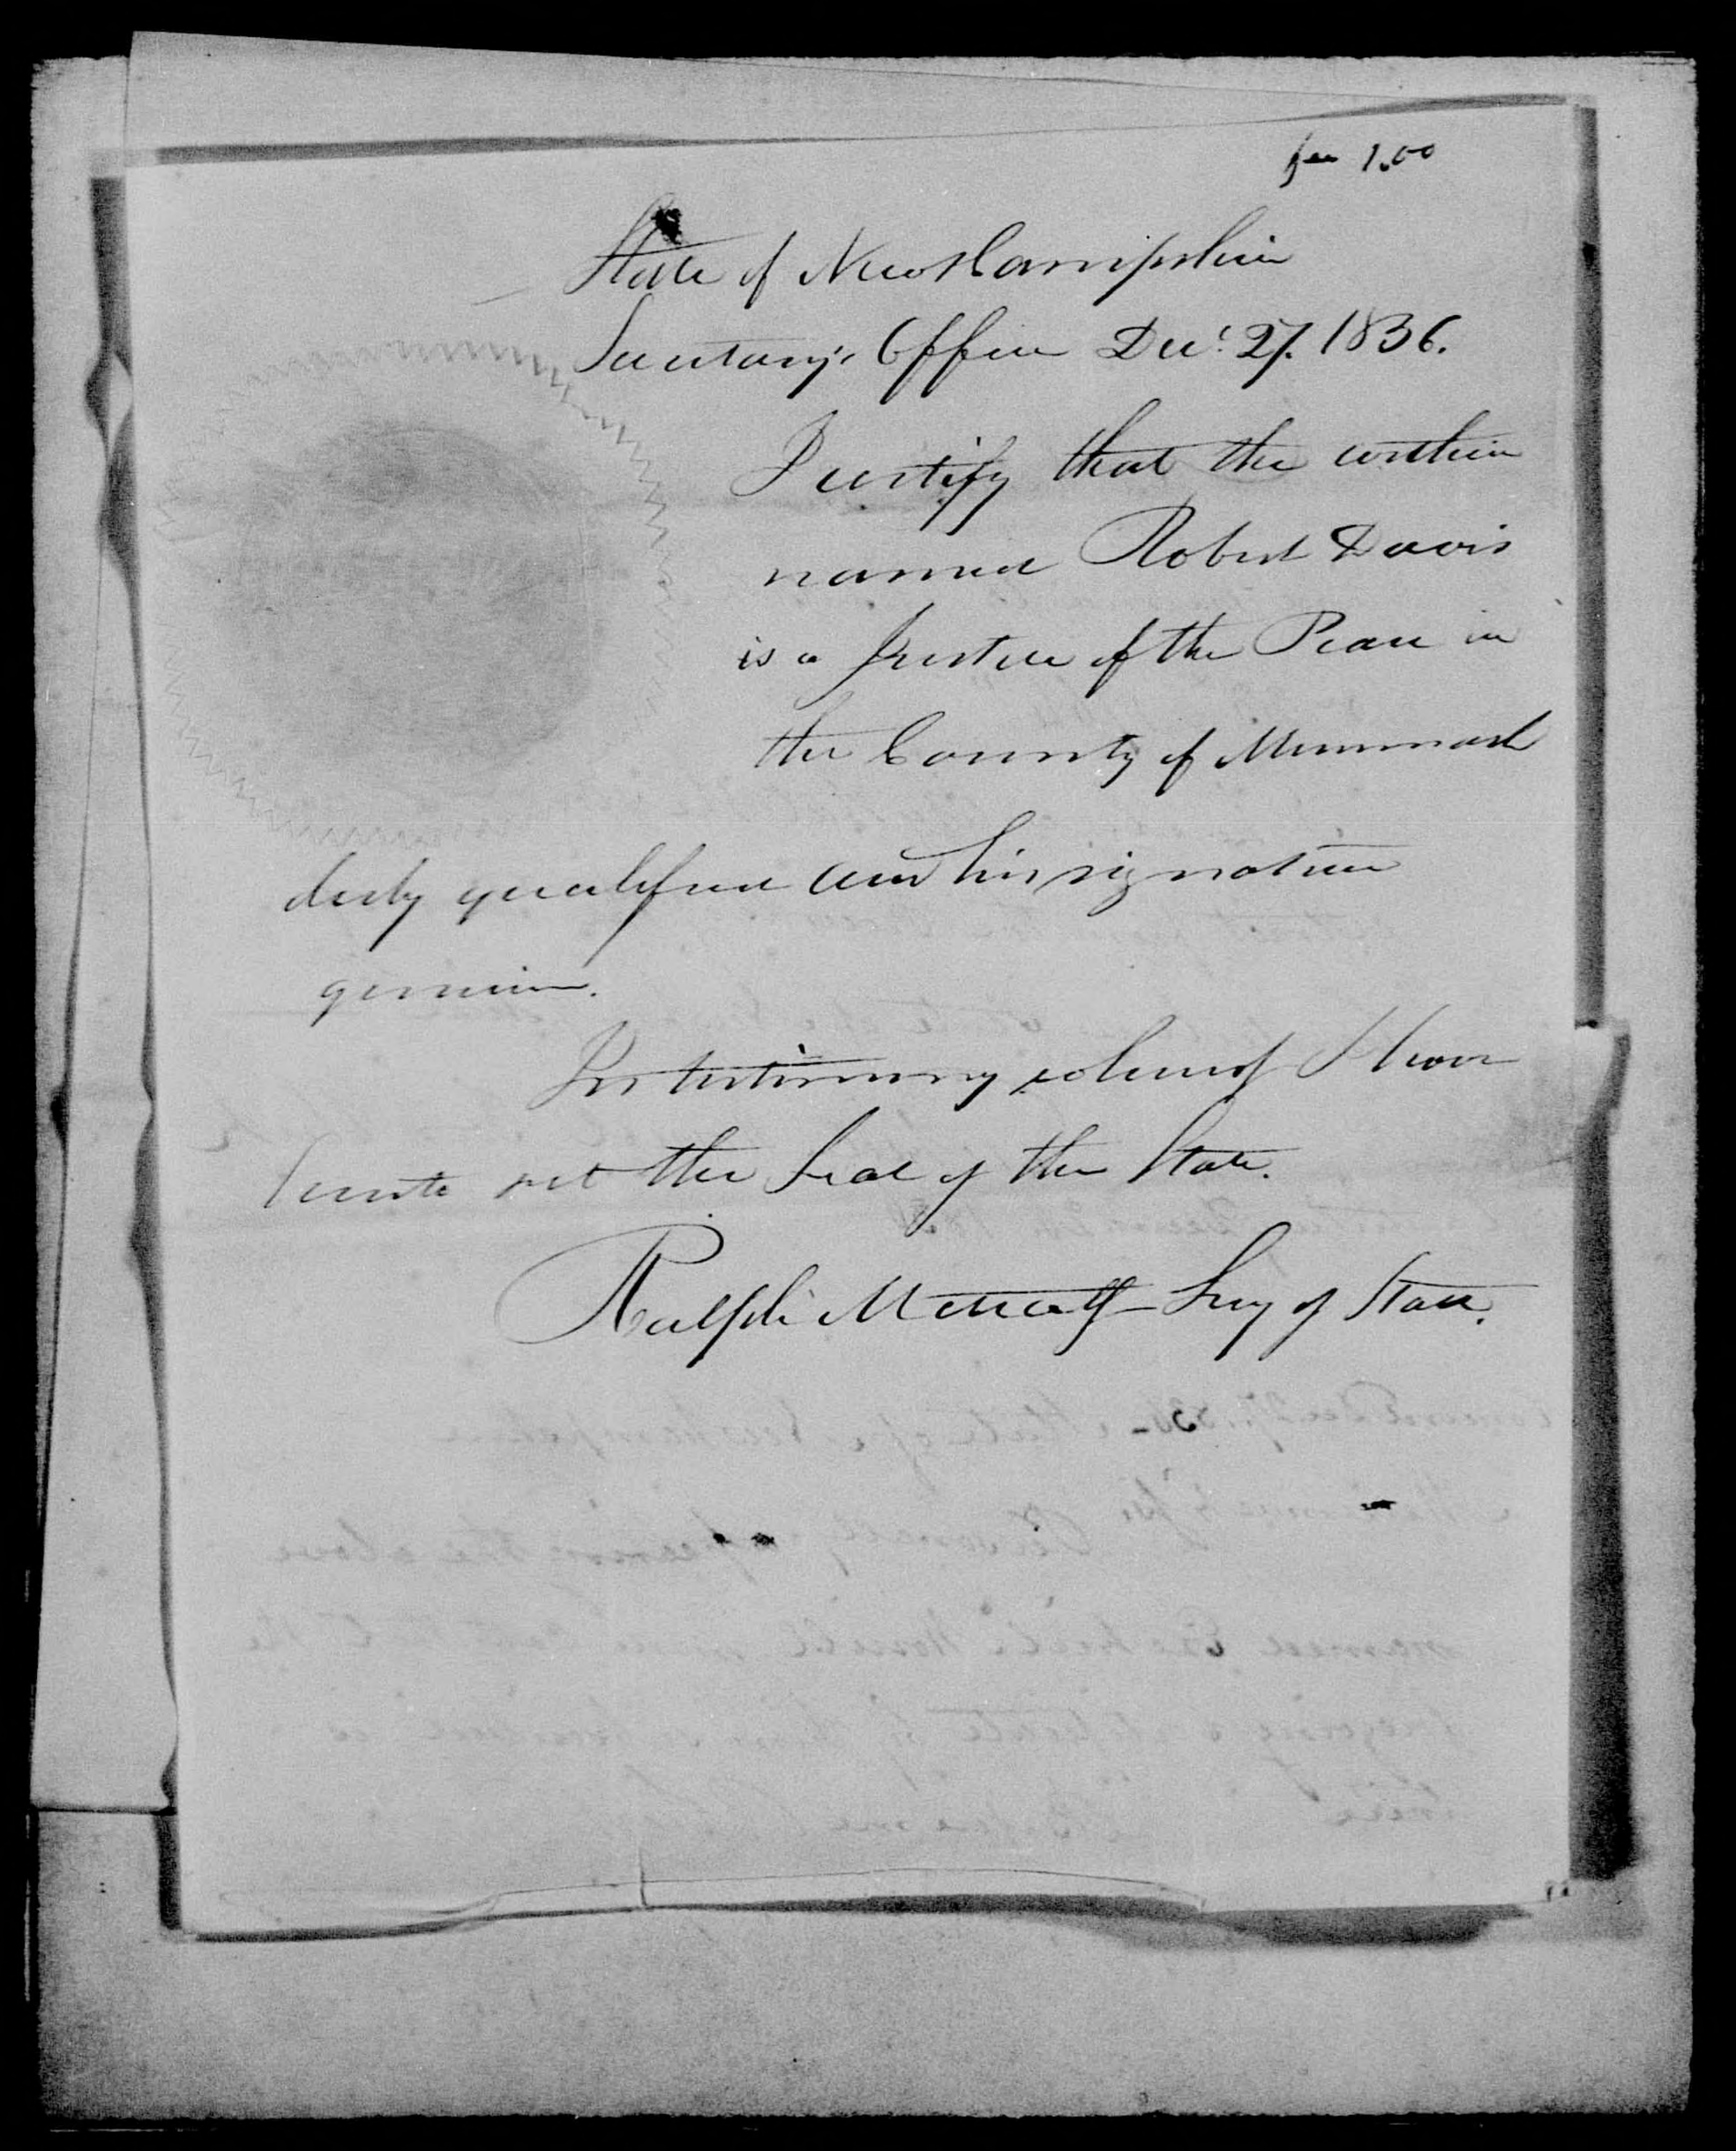fee 1.00
State of New Hampshire
Secretary's Office Dec. 27 1836
I certify that the within
named Robert Davis
is a Justice of the Peace in 
the County of Merrimack
duly qualified and his signature
genuine.
In testimony whereof I have
hereunto set the seal of the State
Ralph Metcalf Secy. of State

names: Ralph Metcalf, Robert Davis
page: 5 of 29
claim: widow's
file: W. 24,282, Nathaniel Glines, N.H.